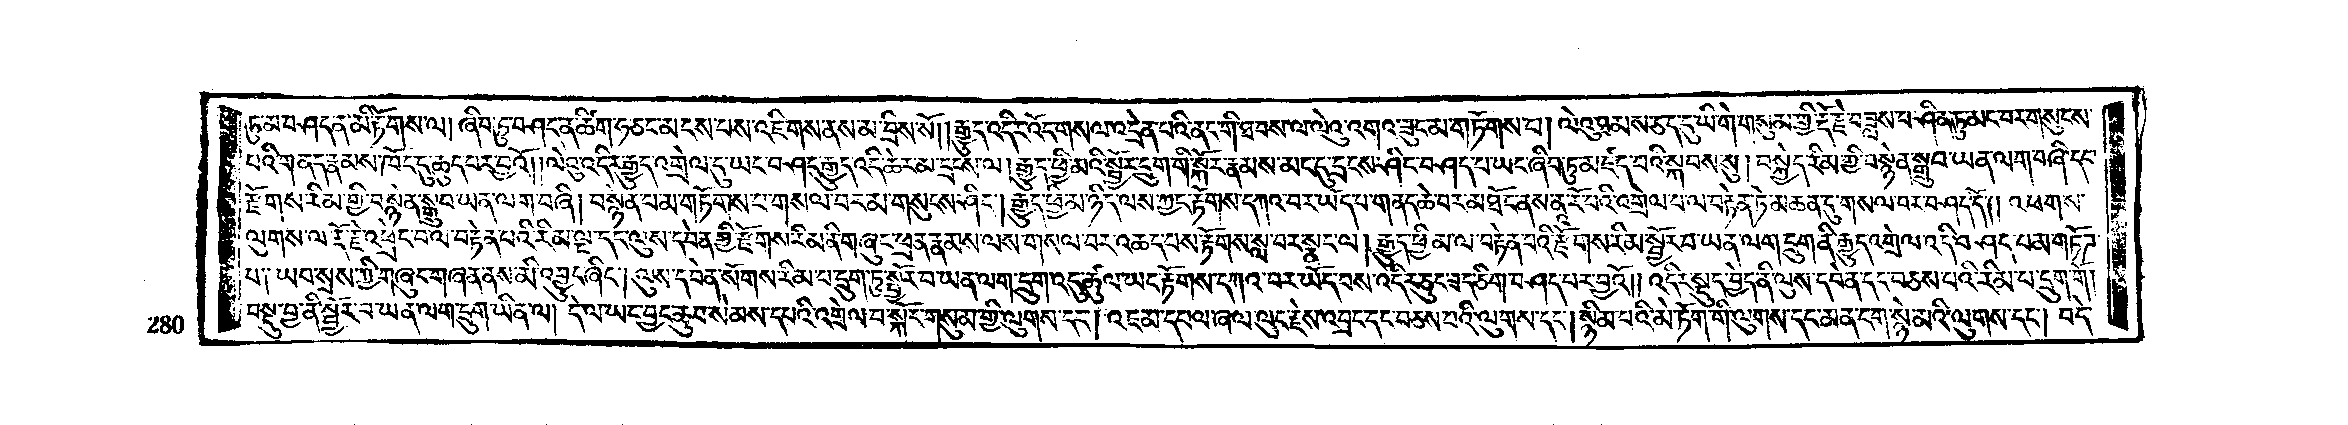ཏུ་མ་བཤད་ན་མི་རྟོགས་ལ། ཞིབ་ཏུ་བཤད་ན་ཚིག་ཧ་ཅང་མངས་པས་འཇིགས་ནས་མ་བྲིས་སོ། །རྒྱུད་འདིར་འོད་གསལ་འདྲེན་པའི་ནང་གི་ཐབས་ལ་ལེའུ་འགའ་ཟུང་མ་གཏོགས་པ། ལེའུ་ཐམས་ཅད་དུ་ཡི་གེ་གསུམ་གྱི་རྡོ་རྗེ་བཟླས་པ་ཤིན་ཏུ་མང་བར་གསུངས་
པའི་གནད་རྣམས་ཁོང་དུ་ཆུད་པར་བྱའོ། །ལེའུ་འདིར་རྒྱུད་འགྲེལ་དུ་ཡང་བཤད་རྒྱུད་འདི་ཆེར་མ་དྲངས་ལ། རྒྱུད་ཕྱི་མའི་སྦྱོར་དྲུག་གི་སྐོར་རྣམས་མང་དུ་དྲངས་ཤིང་བཤད་པ་ཡང་ཞིབ་ཏུ་མཛད་པའི་སྐབས་སུ། བསྐྱེད་རིམ་གྱི་བསྙེན་སྒྲུབ་ཡན་ལག་བཞི་དང་
རྫོགས་རིམ་གྱི་བསྙེན་སྒྲུབ་ཡན་ལག་བཞི། བསྙེན་པ་མ་གཏོགས་པ་གསལ་བར་མ་གསུངས་ཤིང་། རྒྱུད་ཕྱི་མ་ཉིད་ལས་ཀྱང་རྟོགས་དཀའ་བར་ཡོད་པ་གནད་ཆེ་བར་མཐོང་ནས་ནཱ་རོ་པའི་འགྲེལ་པ་ལ་བརྟེན་ཏེ་མཚན་དུ་གསལ་བར་བཤད་དོ། །འཕགས་
ལུགས་ལ་རྡོ་རྗེ་འཕྲེང་བ་ལ་བརྟེན་པའི་རིམ་ལྔ་དང་ལུས་དབེན་གྱི་རྫོགས་རིམ་ནི་གཞུང་ཕྲན་རྣམས་ལས་གསལ་བར་འཆད་པས་རྟོགས་སླ་བར་སྣང་ལ། རྒྱུད་ཕྱི་མ་ལ་བརྟེན་པའི་རྫོགས་རིམ་སྦྱོར་བ་ཡན་ལག་དྲུག་ནི་རྒྱུད་འགྲེལ་འདིར་བཤད་པ་མ་གཏོགས་
པ༑ ཡབ་སྲས་ཀྱི་གཞུང་གཞན་ནས་མི་འབྱུང་ཞིང་། ལུས་དབེན་སོགས་རིམ་པ་དྲུག་ཏུ་སྦྱོར་བ་ཡན་ལག་དྲུག་འདུ་ཚུལ་ཡང་རྟོགས་དཀའ་བར་ཡོད་པས་འདིར་ཅུང་ཟད་ཅིག་བཤད་པར་བྱའོ། །འདིར་སྡུད་བྱེད་ནི་ལུས་དབེན་དང་བཅས་པའི་རིམ་པ་དྲུག་གོ །
བསྡུ་བྱ་ནི་སྦྱོར་བ་ཡན་ལག་དྲུག་ཡིན་ལ། དེ་ལ་ཡང་བྱང་ཆུབ་སེམས་དཔའི་འགྲེལ་པ་སྐོར་གསུམ་གྱི་ལུགས་དང་། འཇམ་དཔལ་ཞལ་ལུང་རྗེས་འབྲང་དང་བཅས་པའི་ལུགས་དང་། སྙིམ་པའི་མེ་ཏོག་གི་ལུགས་དང་མན་ངག་སྙེ་མའི་ལུགས་དང་། བདེ་